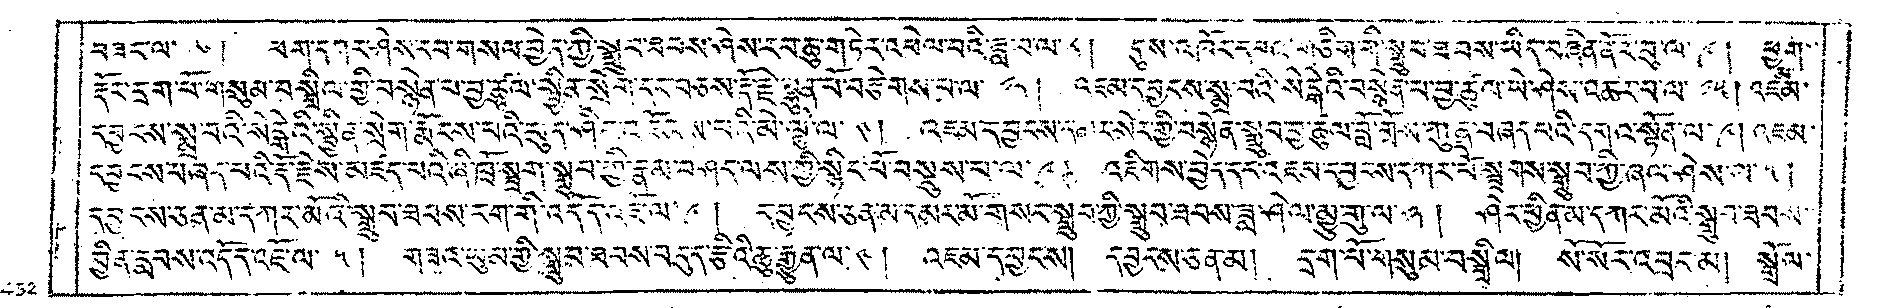བཟང་ལ ༦། ཕག་དཀར་ཤེས་རབ་གསལ་བྱེད་ཀྱི་སྒྲུབ་ཐབས་ཤེས་རབ་ཆུ་གཏེར་འཕེལ་བའི་ཟླ་བ་ལ ༨། དུས་འཁོར་དཔའ་གཅིག་གི་སྒྲུབ་ཐབས་ཡིད་བཞིན་ནོར་བུ་ལ ༩། ཕྱག་
རྡོར་དྲག་པོ་གསུམ་བསྒྲིལ་གྱི་བསྙེན་པ་བྱ་ཚུལ་སྦྱིན་སྲེག་དང་བཅས་རྡོ་རྗེ་ལྷུན་པོ་བརྩེགས་པ་ལ ༡༨། འཇམ་དབྱངས་སྨྲ་བའི་སེངྒེའི་བསྙེན་པ་བྱ་ཚུལ་ཡེ་ཤེས་འཆར་བ་ལ ༡༥། མ་འཇམ་
དབྱངས་སྨྲ་བའི་སེངྒེའི་སྦྱིན་སྲེག་རྨོངས་པའི་བུད་ཤིང་འཇོམས་པའི་མེ་ལྕེ་ལ ༤། འཇམ་དབྱངས་དམར་སེར་གྱི་བསྙེན་སྒྲུབ་བྱ་ཚུལ་བློ་གྲོས་ཀུནྡ་བཞད་པའི་དགའ་སྟོན་ལ ༩། འཇམ་
དབྱངས་བཞད་པའི་རྡོ་རྗེས་མཛད་པའི་ཞི་ཁྲོ་སྦྲག་སྒྲུབ་ཀྱི་རྣམ་བཤད་ལས་ཀྱི་སྙིང་པོ་བསྡུས་པ་ལ ༩། འཇིགས་བྱེད་དང་འཇམ་དབྱངས་དཀར་པོ་སྦྲགས་སྒྲུབ་ཀྱི་ཞལ་ཤེས་ལ ༥།
དབྱངས་ཅན་མ་དཀར་མོའི་སྒྲུབ་ཐབས་ངག་གི་འདོད་འཇོ་ལ ༩། དབྱངས་ཅན་མ་དམར་མོ་གསང་སྒྲུབ་ཀྱི་སྒྲུབ་ཐབས་ཟླ་ཤེལ་མྱུ་གུ་ལ ༢། ཤེར་ཕྱིན་མ་དཀར་མོའི་སྒྲུབ་ཐབས་
བྱིན་རླབས་འདོད་འཇོ་ལ ༥། གཟའ་ཡུམ་གྱི་སྒྲུབ་ཐབས་བདུད་རྩིའི་ཆུ་རྒྱུན་ལ ༤། འཇམ་དབྱངས། དབྱངས་ཅན་མ། དྲག་པོ་གསུམ་བསྒྲིལ། སོ་སོར་འབྲང་མ། སྒྲོལ་